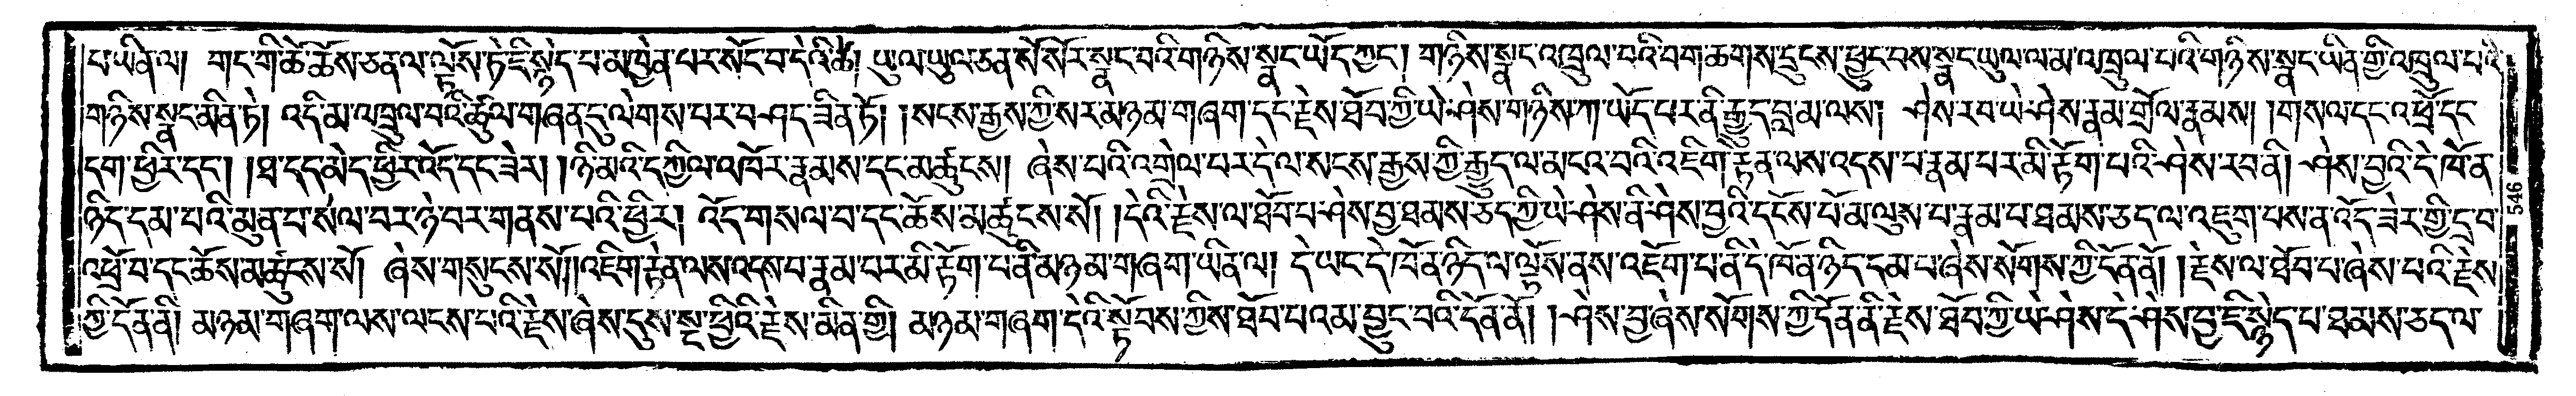པ་ཡིན་ལ། གང་གི་ཚེ་ཆོས་ཅན་ལ་ལྟོས་ཏེ་ཇི་སྙེད་པ་མཁྱེན་པར་སོང་བ་དེའི་ཚེ། ཡུལ་ཡུལ་ཅན་སོ་སོར་སྣང་བའི་གཉིས་སྣང་ཡོད་ཀྱང་། གཉིས་སྣང་འཁྲུལ་བའི་བག་ཆགས་དྲུངས་ཕྱུང་བས་སྣང་ཡུལ་ལ་མ་འཁྲུལ་བའི་གཉིས་སྣང་ཡིན་གྱི་འཁྲུལ་བའི་
གཉིས་སྣང་མིན་ཏེ། འདི་མ་འཁྲུལ་བའི་ཚུལ་གཞན་དུ་ལེགས་པར་བཤད་ཟིན་ཏོ། །སངས་རྒྱས་ཀྱི་སར་མཉམ་གཞག་དང་རྗེས་ཐོབ་ཀྱི་ཡེ་ཤེས་གཉིས་ཀ་ཡོད་པར་ནི་རྒྱུད་བླ་མ་ལས། ཤེས་རབ་ཡེ་ཤེས་རྣམ་གྲོལ་རྣམས། །གསལ་དང་འཕྲོ་དང་
དག་ཕྱིར་དང་། །ཐ་དད་མེད་ཕྱིར་འོད་དང་ཟེར། །ཉི་མའི་དཀྱིལ་འཁོར་རྣམས་དང་མཚུངས། ཞེས་པའི་འགྲེལ་བར་དེ་ལ་སངས་རྒྱས་ཀྱི་རྒྱུད་ལ་མངའ་བའི་འཇིག་རྟེན་ལས་འདས་པ་རྣམ་པར་མི་རྟོག་པའི་ཤེས་རབ་ནི། ཤེས་བྱའི་དེ་ཁོ་ན་
ཉིད་དམ་པའི་མུན་པ་སེལ་བར་ཉེ་བར་གནས་པའི་ཕྱིར། འོད་གསལ་བ་དང་ཆོས་མཚུངས་སོ། །དེའི་རྗེས་ལ་ཐོབ་པ་ཤེས་བྱ་ཐམས་ཅད་ཀྱི་ཡེ་ཤེས་ནི་ཤེས་བྱའི་དངོས་པོ་མ་ལུས་པ་རྣམ་པ་ཐམས་ཅད་ལ་འཇུག་པས་ནི་འོད་ཟེར་གྱི་དྲ་བ་
འཕྲོ་བ་དང་ཆོས་མཚུངས་སོ། ཞེས་གསུངས་སོ། །འཇིག་རྟེན་ལས་འདས་པ་རྣམ་པར་མི་རྟོག་པ་ནི་མཉམ་གཞག་ཡིན་ལ། དེ་ཡང་དེ་ཁོ་ན་ཉིད་ལ་ལྟོས་ནས་འཇོག་པ་ནི་དེ་ཁོ་ན་ཉིད་དམ་པ་ཞེས་སོགས་ཀྱི་དོན་ནོ། །རྗེས་ལ་ཐོབ་པ་ཞེས་པའི་རྗེས་
ཀྱི་དོན་ནི། མཉམ་བཞག་ལས་ལངས་པའི་རྗེས་ཞེས་དུས་སྔ་ཕྱིའི་རྗེས་མིན་གྱི། མཉམ་གཞག་དེའི་སྟོབས་ཀྱིས་ཐོབ་པའམ་བྱུང་བའི་དོན་ནོ། །ཤེས་བྱ་ཞེས་སོགས་ཀྱི་དོན་ནི་རྗེས་ཐོབ་ཀྱི་ཡེ་ཤེས་དེ་ཤེས་བྱ་ཇི་སྙེད་པ་ཐམས་ཅད་ལ་